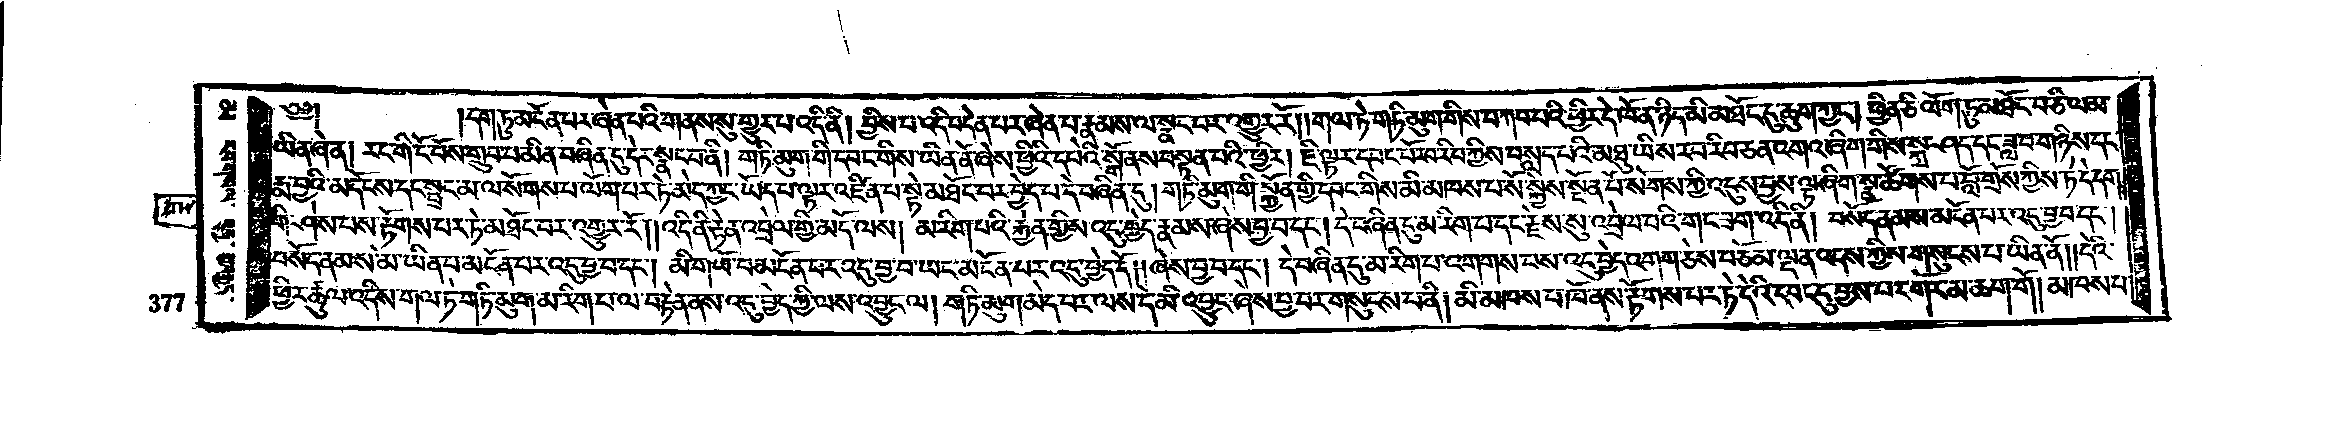༄༅། །དག་ཏུ་མངོན་པར་ཞེན་པའི་གནས་སུ་གྱུར་པ་འདི་ནི། བྱིས་པ་འདི་བདེན་པར་ཞེན་པ་རྣམས་ལ་སྣང་བར་འགྱུར་རོ། །གལ་ཏེ་གཏི་མུག་གིས་བཀབ་པའི་ཕྱིར་དེ་ཁོ་ན་ཉིད་མི་མཐོང་དུ་ཆུག་ཀྱང་། ཕྱིན་ཅི་ལོག་ཏུ་མཐོང་བ་ཅི་ལམ་
ཡིན་ཞེ་ན། རང་གི་ངོ་བོས་གྲུབ་པ་མིན་བཞིན་དུ་དེར་སྣང་བ་ནི། གཏི་མུག་གི་དབང་གིས་ཡིན་ནོ་ཞེས་ཕྱིའི་དཔེའི་སྒོ་ནས་བསྟན་པའི་ཕྱིར། ཇི་ལྟར་དབང་པོ་རབ་རིབ་ཀྱིས་བསླད་པའི་མཐུ་ཡིས་རབ་རིབ་ཅན་འགའ་ཞིག་གིས་སྐྲ་ཤད་དང་ཟླ་བ་གཉིས་དང་
རྨ་བྱའི་མདོངས་དང་སྦྲང་མ་ལ་སོགས་པ་ལོག་པར་ཏེ་མེད་ཀྱང་ཡོད་པ་ལྟར་འཛིན་པ་སྟེ་མཐོང་བར་བྱེད་པ་དེ་བཞིན་དུ། གཏི་མུག་གི་སྐྱོན་གྱི་དབང་གིས་མི་མཁས་པ་སོ་སྐྱེས་སྔོན་པོ་སོགས་ཀྱི་འདུས་བྱས་ལྟ་ཞིག་སྣ་ཚོགས་པ་བློ་གྲོས་ཀྱིས་ཏེ་དེ་དག་
གི་ཤེས་པས་རྟོགས་པར་ཏེ་མཐོང་བར་འགྱུར་རོ། །འདི་ནི་རྟེན་འབྲེལ་གྱི་མདོ་ལས། མ་རིག་པའི་རྐྱེན་གྱིས་འདུ་བྱེད་རྣམས་ཞེས་བྱ་བ་དང་། དེ་བཞིན་དུ་མ་རིག་པ་དང་རྗེས་སུ་འབྲེལ་བའི་གང་ཟག་འདི་ནི། བསོད་ནམས་མངོན་པར་འདུ་བྱ་བ་དང་།
བསོད་ནམས་མ་ཡིན་པ་མངོན་པར་འདུ་བྱ་བ་དང་། མི་གཡོ་བ་མངོན་པར་འདུ་བྱ་བ་ཡང་མངོན་པར་འདུ་བྱེད་དོ། །ཞེས་བྱ་བ་དང་། དེ་བཞིན་དུ་མ་རིག་པ་འགགས་པས་འདུ་བྱེད་འགག་ཅེས་བཅོམ་ལྡན་འདས་ཀྱིས་གསུངས་པ་ཡིན་ནོ། །དེའི་
ཕྱིར་ཚུལ་འདིས་གལ་ཏེ་གཏི་མུག་མ་རིག་པ་ལ་བརྟེན་ནས་འདུ་བྱེད་ཀྱི་ལས་འབྱུང་ལ། གཏི་མུག་མེད་པར་ལས་དེ་མི་འབྱུང་ཞེས་བྱ་བར་གསུངས་པ་ནི། མི་མཁས་པ་ཁོ་ནས་རྟོགས་པར་ཏེ་དེའི་དབང་དུ་བྱས་བར་གོར་མ་ཆག་གོ །མཁས་པ་